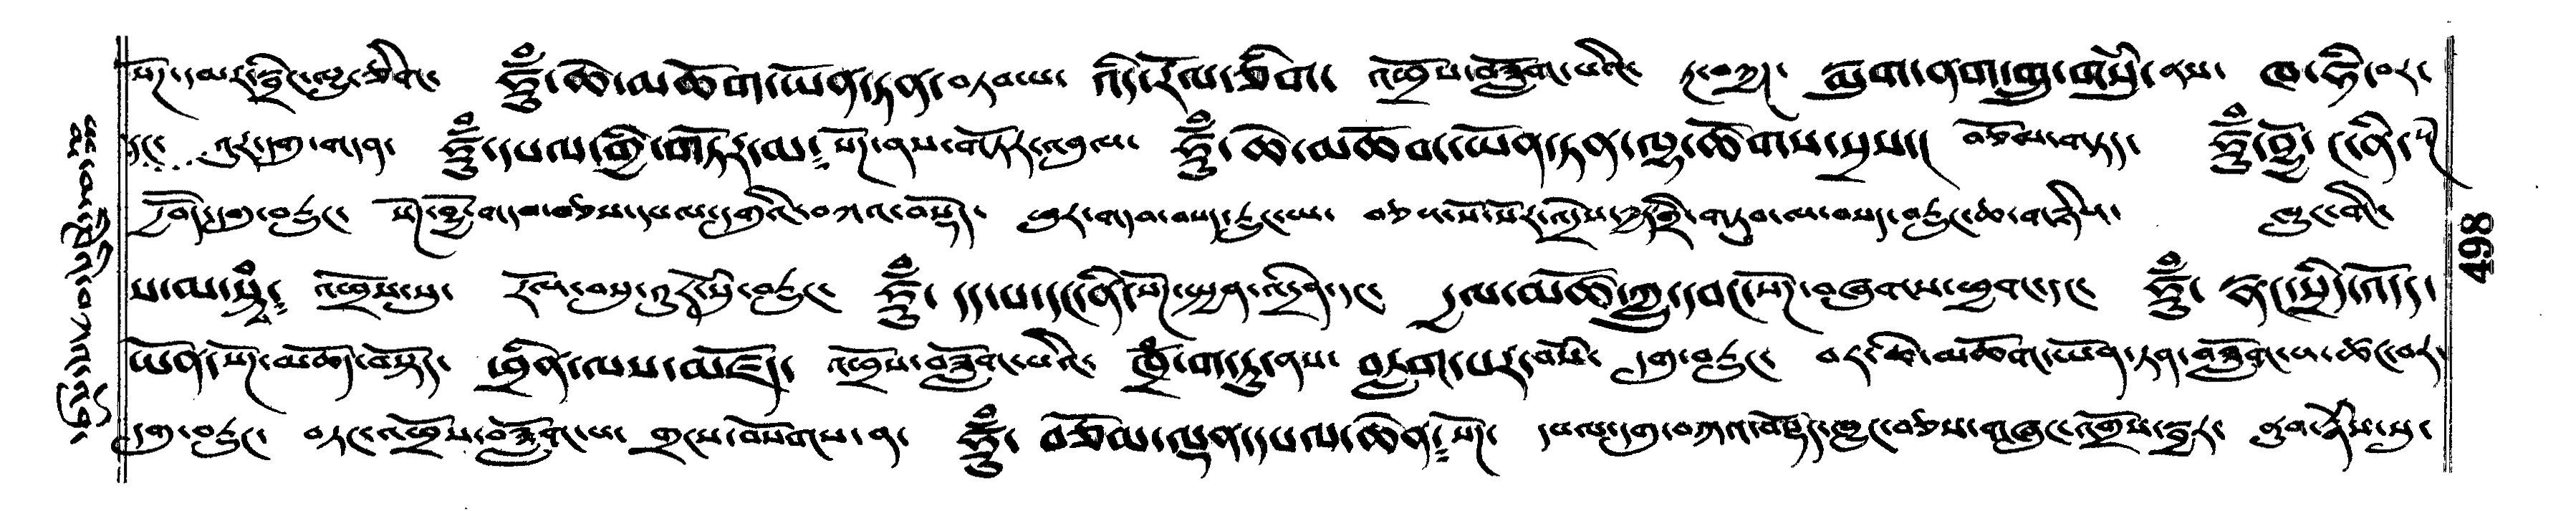སོགས་དམར་སྦྲེང་ལྷུ་ཅིག ཧཱུྃ༔ཆེ་མཆོག་ཡོན་ཏན༴ བཏབ་པ། འདི་རོལ་ཅིག༔ འཕྲོས་བཟློག་པའི། ( རྔ་བཀྱགས། ) སྨུག་ནག་གྲུ་གསུམ༴ ནས། ཁཱ་ཧི༔ བར་
དང་། འུར་དགུ་གདན་ ཧཱུྃ༔དཔལ་གྱི་གཏོར་མ༴ སོགས་ནས་གཏོར་འབུལ། ཧཱུྃ༔ཆེ་མཆོག་ཡོན་ཏན་ལྷ་ཚོགས་སྲས༔ བཅོལ་གཏད། ཧཱུྃ་བྷྱོ༔ང་ནི༴ སོགས། 
( རྒྱོབ་སོད་དགུ་བརྡུང་། ) བྷྱོ་གདབ་བཅས་དཔལ་དགུ། བཀའ་བསྡོད། ཕུར་གདབ་ ( བསད་རྡུང་ཡ། ) བཅས་སོ་སོར་འགྲེས་སྦྱར་ ( གྲི་གཏུབ་ལ་བསད་བརྡུང་ཆ་གཉིས། ) ཁྱུང་གི་ 
ས་མ་སྟྭཾ༴ འཕྲོས་སུ། ( རོལ་བསུ་འུར་སུམ་བརྡུང་། ) ཧཱུྃ༔ དད་པ་དག་ནི༴ སོགས་སྤྱན་འདྲེན་དང་། རྒྱལ་མཚོ་ཀླུ་དབང༴ སོགས་བཞུགས་ཕྱག་དང་། ཧཱུྃ༔ སྣང་སྲིད་འདོད་
ཡོན༴ སོགས་མཆོད་བསྟོད། ཕྲིན་ལས་མཛོད༔ འཕྲོས་བཟློག་པའི། ཁྲོཾ་ག་རུ༴ ནས། བརླག་པར་བསམ། ( དགུ་བརྡུང་། ) བར་ཆེ་མཆོག་ཡོན་ཏན་བཟློག་པ་ཚང་བར་ 
( དགུ་བརྡུང་། ) བཏང་། འཕྲོས་བཟློག་པ་གྲངས་གསོག་ན། ཧཱུྃ༔ བཅོམ་ལྡན་དཔལ་ཆེན༴ སོགས། དཔལ་དགུ་བཀའ་བསྡོད་ཁྱུང་བཅས་གཞུང་འགྲོས་སྦྱར། ) ནུབ་རྣམས་སུ་